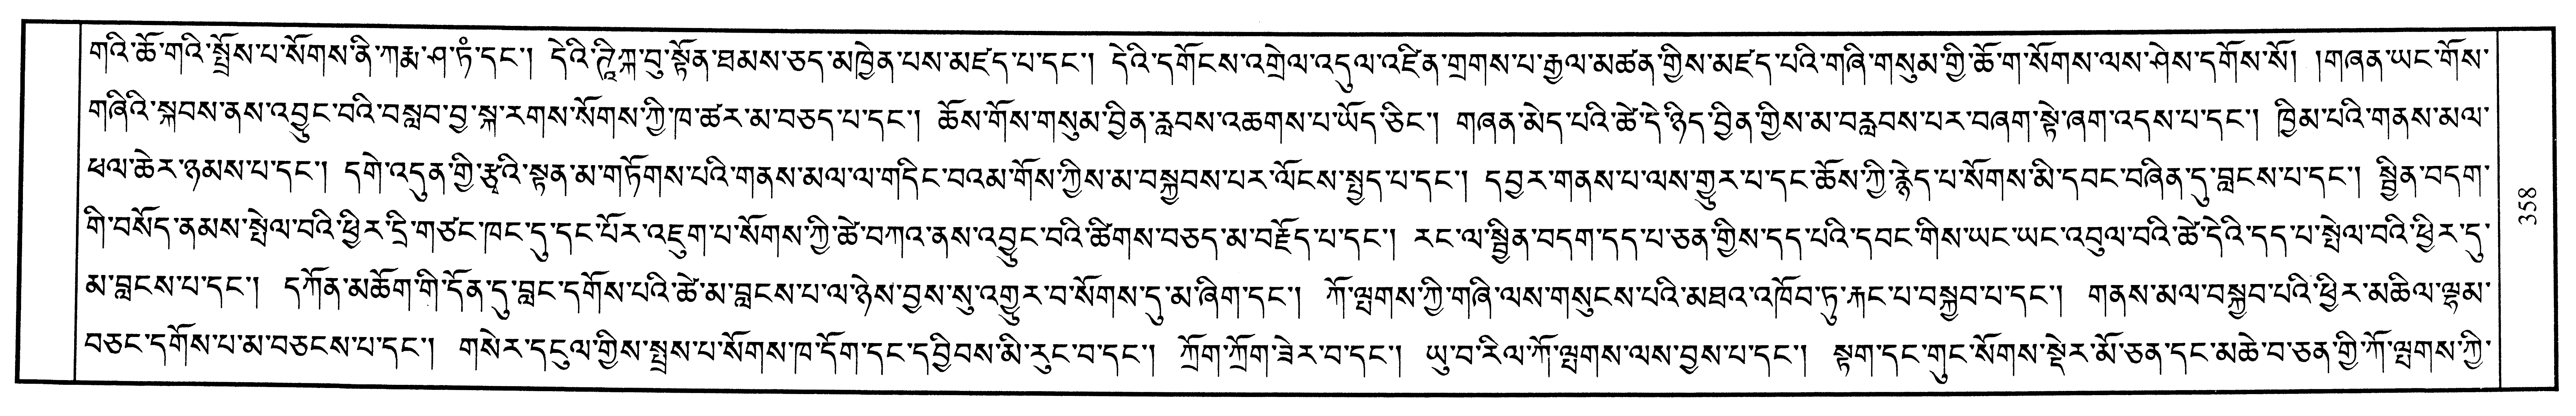གའི་ཆོ་གའི་སྤྲོས་པ་སོགས་ནི་ཀརྨ་ཤ་ཏཾ་དང་། དེའི་ཊཱིཀྐ་བུ་སྟོན་ཐམས་ཅད་མཁྱེན་པས་མཛད་པ་དང་། དེའི་དགོངས་འགྲེལ་འདུལ་འཛིན་གྲགས་པ་རྒྱལ་མཚན་གྱིས་མཛད་པའི་གཞི་གསུམ་གྱི་ཆོ་ག་སོགས་ལས་ཤེས་དགོས་སོ། །གཞན་ཡང་གོས་
གཞིའི་སྐབས་ནས་འབྱུང་བའི་བསླབ་བྱ་སྐ་རགས་སོགས་ཀྱི་ཁ་ཚར་མ་བཅད་པ་དང་། ཆོས་གོས་གསུམ་བྱིན་རླབས་འཆགས་པ་ཡོད་ཅིང་། གཞན་མེད་པའི་ཚེ་དེ་ཉིད་བྱིན་གྱིས་མ་བརླབས་པར་བཞག་སྟེ་ཞག་འདས་པ་དང་། ཁྱིམ་པའི་གནས་མལ་
ཕལ་ཆེར་ཉམས་པ་དང་། དགེ་འདུན་གྱི་རྩྭའི་སྟན་མ་གཏོགས་པའི་གནས་མལ་ལ་གདིང་བའམ་གོས་ཀྱིས་མ་བསྐྱབས་པར་ལོངས་སྤྱད་པ་དང་། དབྱར་གནས་པ་ལས་གྱུར་པ་དང་ཆོས་ཀྱི་རྙེད་པ་སོགས་མི་དབང་བཞིན་དུ་བླངས་པ་དང་། སྦྱིན་བདག་
གི་བསོད་ནམས་སྤེལ་བའི་ཕྱིར་དྲི་གཙང་ཁང་དུ་དང་པོར་འཇུག་པ་སོགས་ཀྱི་ཚེ་བཀའ་ནས་འབྱུང་བའི་ཚིགས་བཅད་མ་བརྗོད་པ་དང་། རང་ལ་སྦྱིན་བདག་དད་པ་ཅན་གྱིས་དད་པའི་དབང་གིས་ཡང་ཡང་འབུལ་བའི་ཚེ་དེའི་དད་པ་སྤེལ་བའི་ཕྱིར་དུ་
མ་བླངས་པ་དང་། དཀོན་མཆོག་གི་དོན་དུ་བླང་དགོས་པའི་ཚེ་མ་བླངས་པ་ལ་ཉེས་བྱས་སུ་འགྱུར་བ་སོགས་དུ་མ་ཞིག་དང་། ཀོ་ལྤགས་ཀྱི་གཞི་ལས་གསུངས་པའི་མཐའ་འཁོབ་ཏུ་རྐང་པ་བསྐྱབ་པ་དང་། གནས་མལ་བསྐྱབ་པའི་ཕྱིར་མཆིལ་ལྷམ་
བཅང་དགོས་པ་མ་བཅངས་པ་དང་། གསེར་དངུལ་གྱིས་སྤྲས་པ་སོགས་ཁ་དོག་དང་དབྱིབས་མི་རུང་བ་དང་། ཀྲོག་ཀྲོག་ཟེར་བ་དང་། ཡུ་བ་རིལ་ཀོ་ལྤགས་ལས་བྱས་པ་དང་། སྟག་དང་གུང་སོགས་སྡེར་མོ་ཅན་དང་མཆེ་བ་ཅན་གྱི་ཀོ་ལྤགས་ཀྱི་